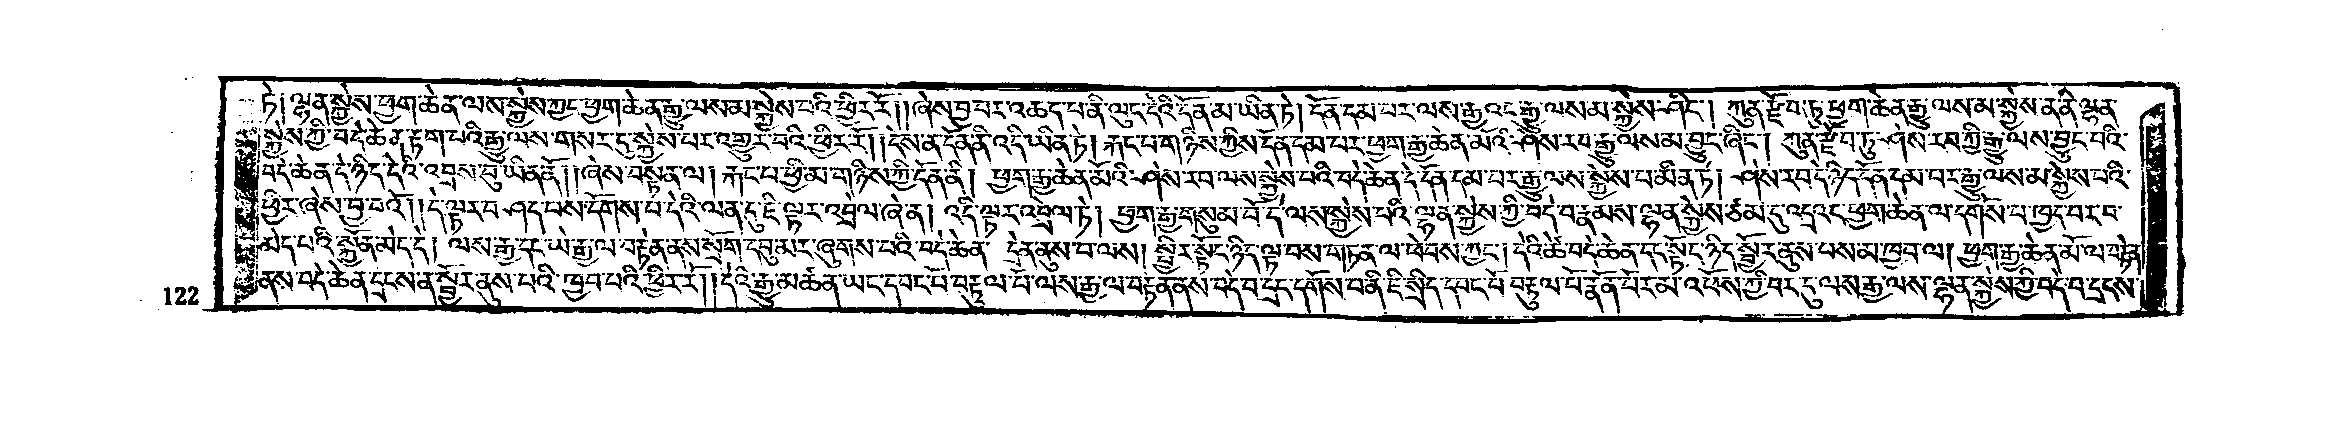ཏེ། ལྷན་སྐྱེས་ཕྱག་ཆེན་ལས་སྐྱེས་ཀྱང་ཕྱག་ཆེན་རྒྱུ་ལས་མ་སྐྱེས་པའི་ཕྱིར་རོ། །ཞེས་བྱ་བར་འཆད་པ་ནི་ལུང་དེའི་དོན་མ་ཡིན་ཏེ། དོན་དམ་པར་ལས་རྒྱའང་རྒྱུ་ལས་མ་སྐྱེས་ཤིང་། ཀུན་རྫོབ་ཏུ་ཕྱག་ཆེན་རྒྱུ་ལས་མ་སྐྱེས་ན་ནི་ལྷན་
སྐྱེས་ཀྱི་བདེ་ཆེན་རྟག་པའི་རྒྱུ་ལས་གསར་དུ་སྐྱེས་པར་འགྱུར་བའི་ཕྱིར་རོ། །དེས་ན་དོན་ནི་འདི་ཡིན་ཏེ། རྐང་པ་གཉིས་ཀྱིས་དོན་དམ་པར་ཕྱག་རྒྱ་ཆེན་མོའི་ཤེས་རབ་རྒྱུ་ལས་མ་བྱུང་ཞིང་། ཀུན་རྫོབ་ཏུ་ཤེས་རབ་ཀྱི་རྒྱུ་ལས་བྱུང་བའི་
བདེ་ཆེན་དེ་ཉིད་དེའི་འབྲས་བུ་ཡིན་ནོ། །ཞེས་བསྟན་ལ། རྐང་པ་ཕྱི་མ་གཉིས་ཀྱི་དོན་ནི། ཕྱག་རྒྱ་ཆེན་མོའི་ཤེས་རབ་ལས་སྐྱེས་པའི་བདེ་ཆེན་དེ་དོན་དམ་པར་རྒྱུ་ལས་སྐྱེས་པ་མིན་ཏེ། ཤེས་རབ་དེ་ཉིད་དོན་དམ་པར་རྒྱུ་ལས་མ་སྐྱེས་པའི་
ཕྱིར་ཞེས་བྱ་བའོ། །དེ་ལྟར་བཤད་པས་དོགས་པ་དེའི་ལན་དུ་ཇི་ལྟར་འབྲེལ་ཞེ་ན། འདི་ལྟར་འབྲེལ་ཏེ། ཕྱག་རྒྱ་གསུམ་པོ་དེ་ལས་སྐྱེས་པའི་ལྷན་སྐྱེས་ཀྱི་བདེ་བ་རྣམས་ལྷན་སྐྱེས་ཙམ་དུ་འདྲའང་ཕྱག་ཆེན་ལ་དགོས་པ་ཁྱད་པར་བ་
མེད་པའི་སྐྱོན་མེད་དེ། ལས་རྒྱ་དང་ཡེ་རྒྱ་ལ་བརྟེན་ནས་སྲོག་དབུ་མར་ཞུགས་པའི་བདེ་ཆེན་དྲེན་ནུས་པ་ལས། སྤྱིར་སྟོང་ཉིད་ལྟ་བས་གཏན་ལ་ཕེབས་ཀྱང་། དེའི་ཚེ་བདེ་ཆེན་དང་སྟོང་ཉིད་སྦྱོར་ནུས་པས་མ་ཁྱབ་ལ། ཕྱག་རྒྱ་ཆེན་མོ་ལ་བརྟེན་
ནས་བདེ་ཆེན་དྲངས་ན་སྦྱོར་ནུས་པའི་ཁྱབ་པའི་ཕྱིར་རོ། །དེའི་རྒྱུ་མཚན་ཡང་དབང་པོ་བརྟུལ་པོ་ལས་རྒྱ་ལ་བརྟེན་ནས་བདེ་བ་དྲང་དགོས་པ་ནི་ཇི་སྲིད་དབང་པོ་བརྟུལ་པོ་རྣོན་པོར་མ་འཕོས་ཀྱི་བར་དུ་ལས་རྒྱ་ལས་ལྷན་སྐྱེས་ཀྱི་བདེ་བ་དྲངས་